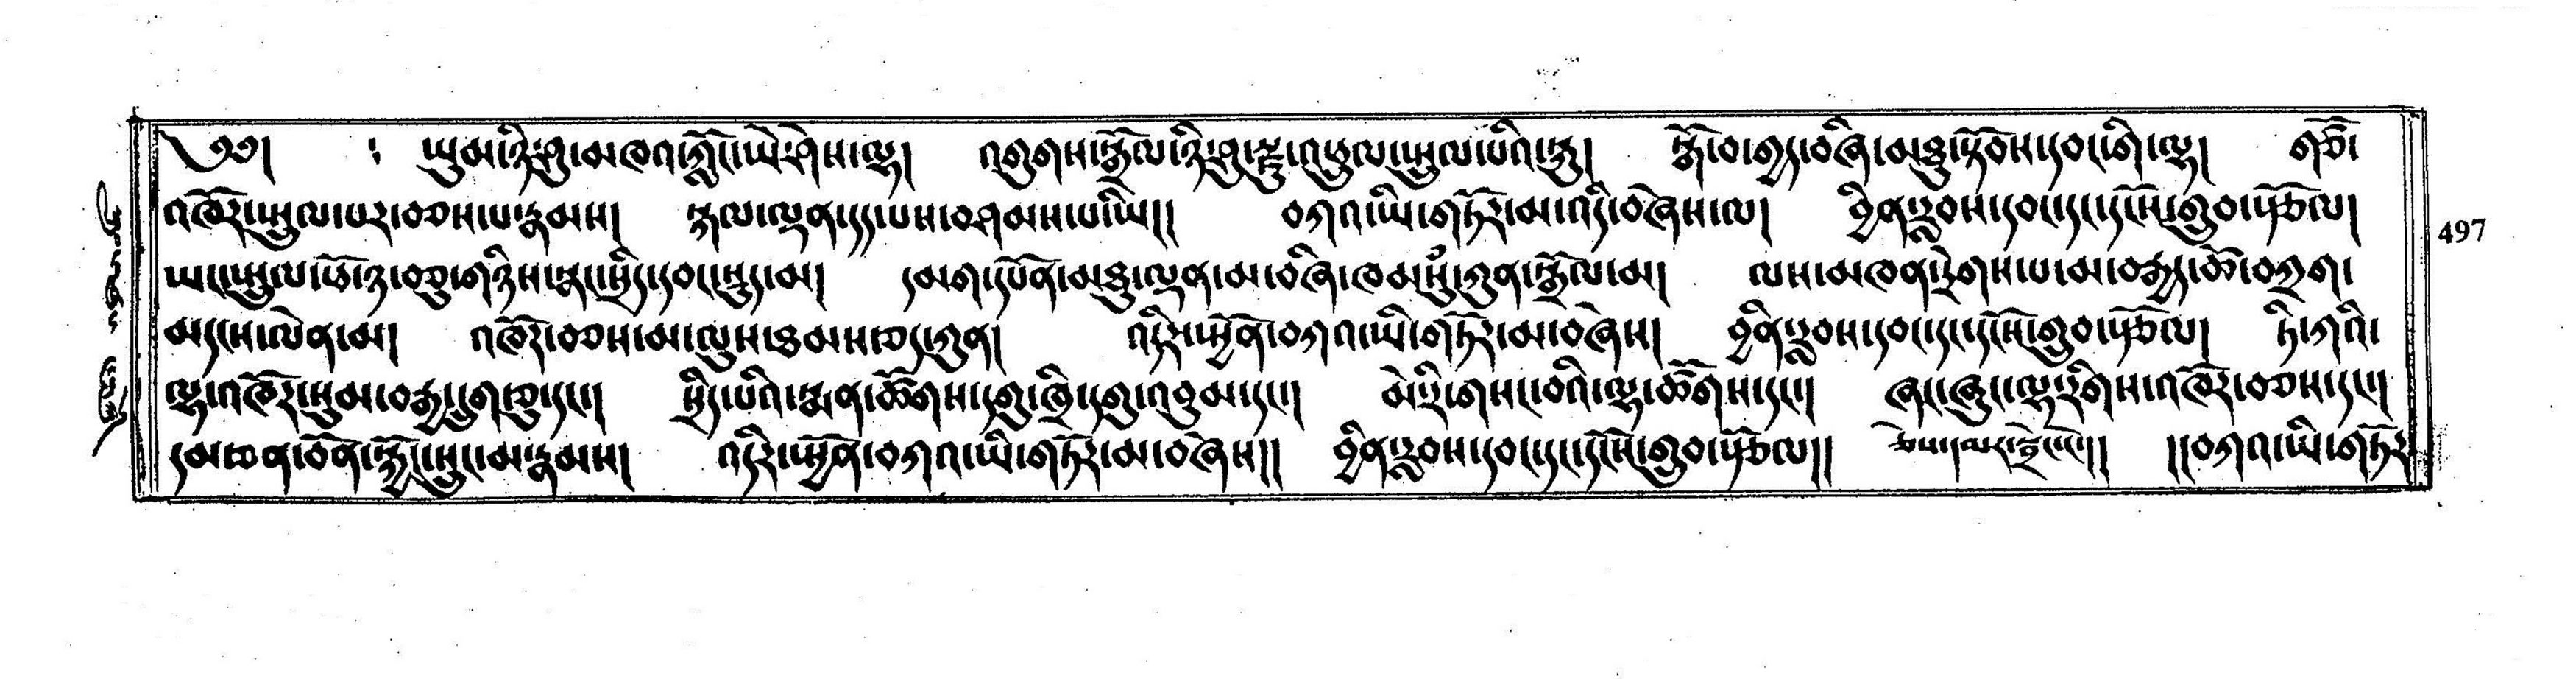ཡུམ་ཉི་ཤུ་མཁའ་ཀློང་ཡེ་ཤེས་ལྷ། འགུགས་སྒྲོལ་ཉི་ཤུ་རྫུ་འཕྲུལ་སྤྲུལ་པའི་སྐུ། སྒོ་བ་གྱད་བཞི་མཐུ་སྟོབས་དབང་གི་ལྷ། གཙོ་
འཁོར་སྤྲུལ་པར་བཅས་པ་རྣམས། སྐལ་ལྡན་དད་པས་བཤམས་པ་ཡི།། བཀའ་ཡི་གཏོར་མ་འདི་བཞེས་ལ། བྱིན་རླབས་དབང་དང་དངོས་གྲུབ་སྩོལ། 
ཡང་སྤྲུལ་ཕོ་ཉ་བཅུ་གཉིས་སྣང་སྲིད་དབང་སྡུད་མ། {511}དམག་དཔོན་མཐུ་ལྡན་མ་བཞི་ཁམས་གསུམ་ཀུན་སྒྲོལ་མ། ལས་མཁན་དྲེགས་པ་མ་བརྒྱད་ཚེ་བཀྲག་
མདངས་ལེན་མ། འཁོར་བཅས་མ་ལུས་ཐམས་ཅད་ཀུན། འདིར་སྤྱོན་བཀའ་ཡི་གཏོར་མ་བཞེས། བྱིན་རླབས་དབང་དང་དངོས་གྲུབ་སྩོལ། ཏི་ཀའི་
ལྷ་འཁོར་སུམ་བརྒྱ་དྲུག་ཅུ་དང་། སྲིད་པའི་སྨན་ཚོགས་དགུ་ཁྲི་དགུ་འབུམ་དང་། མེ་རི་གསང་བའི་ལྷ་ཚོགས་དང་། ཞང་ཞུང་ལྷ་རིགས་འཁོར་བཅས་དང་། 
དམ་ཅན་བོན་སྐྱོང་སྲུང་མ་རྣམས། འདིར་སྤྱོན་བཀའ་ཡི་གཏོར་མ་བཞེས།། བྱིན་རླབས་དབང་དང་དངོས་གྲུབ་སྩོལ།། ཅེས་དམར་སྦྲེང་ངོ་།། །།བཀའ་ཡི་གཏོར་